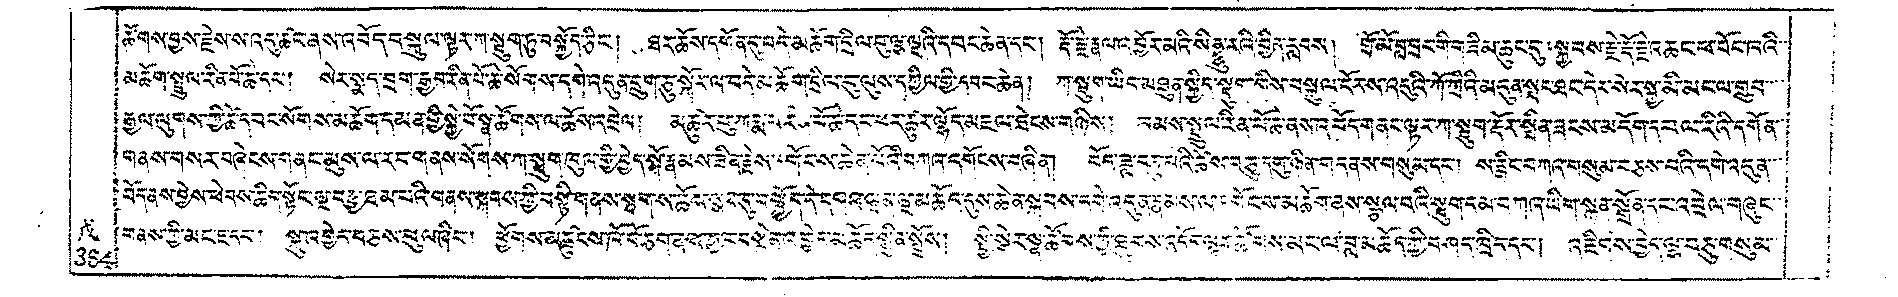ཚོགས་བྱས་རྗེས་ས་འདུ་ཚང་ནས་འབོད་བསྐུལ་ལྟར་ཀ་སྦུག་ཏུ་བསྐྱོད་ཅིང་། ཐར་ཆོས་དགོན་དུ་བདེ་མཆོག་དྲིལ་བུ་ལྷ་ལྔའི་དབང་ཆེན་དང་། རྡོ་རྗེ་རྣལ་འབྱོར་མའི་སིནྡྷུ་རའི་བྱིན་རླབས། གྲོ་མོ་བླ་བྲང་གི་གཟིམ་ཆུང་དུ་༧སྐྱབས་རྗེ་རྡོ་རྗེ་འཆང་ཕ་བོང་ཁའི་
མཆོག་སྤྲུལ་རིན་པོ་ཆེ་དང་། སེར་སྨད་བྲག་རྒྱབ་རིན་པོ་ཆེ་སོགས་དགེ་འདུན་དྲུག་ཅུ་སྐོར་ལ་བདེ་མཆོག་དྲིལ་བུ་ལུས་དཀྱིལ་གྱི་དབང་ཆེན། ཀ་སྦུག་ཡིད་མཐུན་སྐྱིད་སྡུག་གིས་བསྐུལ་ངོར་ས་འདུའི་ཀོ་ཀྲིའི་མདུན་སྤང་ཐང་དེར་སེར་སྐྱ་མི་མང་ལ་གྲུབ་
རྒྱལ་ལུགས་ཀྱི་ཚེ་དབང་སོགས་མཆོག་དམན་གྱི་སྐྱེ་བོ་སྣ་ཚོགས་ལ་ཆོས་འབྲེལ། མཚུར་ཕུ་ཀརྨ་པ་རིན་པོ་ཆེ་དང་ཕར་ཚུར་ལྷོད་མཇལ་ཐེངས་གཉིས། ཁམས་སྤྲུལ་རིན་པོ་ཆེ་ནས་འབོད་གནང་ལྟར་ཀ་སྦུག་རྡོར་སྤིན་ཟངས་མདོག་དཔལ་རིའི་དགོན་
གནས་གསར་བཞེངས་གནང་མུས་ལ་རབ་གནས་སོགས་ཀ་སྦུག་ཁུལ་གྱི་བྱེད་སྒོ་རྣམས་ཟིན་རྗེས་༧གོང་ས་ཆེན་པོའི་བཀའ་དགོངས་བཞིན། བོད་ཟླ་བཅུ་པའི་ཚེས་བཅུ་དགུ་ཉིན་གདན་ས་གསུམ་དང་། ས་རྙིང་བཀའ་གསུམ་བཅས་པའི་དགེ་འདུན་
བོད་ནས་བྱེས་ཕེབས་ཆིག་སྟོང་ལྔ་བརྒྱ་ཐམ་པའི་གནས་སྐབས་ཀྱི་བསྟི་གནས་སྦག་ས་ཆོས་སྒར་དུ་བསྐྱོད་དེ་དགའ་ལྡན་ལྔ་མཆོད་དུས་ཆེན་སྐབས་དགེ་འདུན་རྣམས་ལ་༧གོང་ས་མཆོག་ནས་སྩལ་བའི་སྦུག་དམ་བཀའ་ཡིག་སྙན་སྒྲོན་དང་འབྲེལ་གཞུང་
གནས་ཀྱི་མང་ཇ་དང་། སྐུ་འགྱེད་བཅས་ཕུལ་ཞིང་། ཕྱོགས་མཚུངས་ཁོ་བོ་ཅག་ནས་ཀྱང་བསྙེན་འགྱེད་མཆོད་སྤྲིན་སྤྲོས། སྤྱི་སྒེར་སྣ་ཚོགས་ཀྱི་ཐུགས་འདོད་ལྟར་ཚོགས་མང་ལ་བླ་མཆོད་ཀྱི་བཤད་ཁྲིད་དང་། འཇིགས་བྱེད་ལྷ་བཅུ་གསུམ་